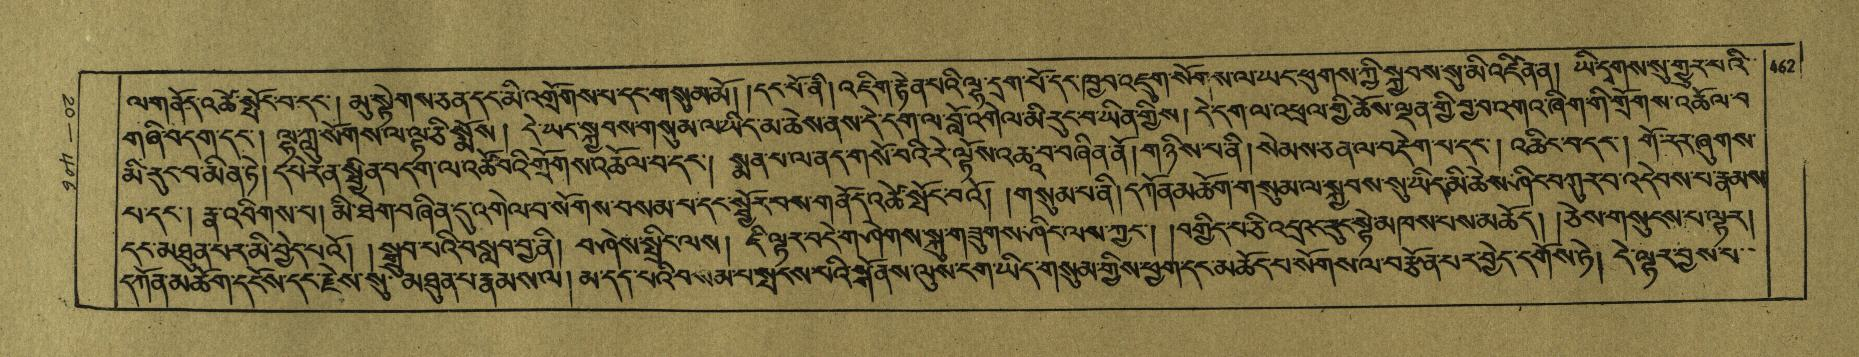ལ་གནོད་འཚེ་སྤོང་བ་དང་། མུ་སྟེགས་ཅན་དང་མི་འགྲོགས་པ་དང་གསུམ་མོ། །དང་པོ་ནི། འཇིག་རྟེན་པའི་ལྷ་དྲག་པོ་དང་ཁྱབ་འཇུག་སོགས་ལ་ཡང་ཕུགས་ཀྱི་སྐྱབས་སུ་མི་འཛིན་ན། ཡི་དྭགས་སུ་གྱུར་པའི་
གཞི་བདག་དང་། ལྷ་ཀླུ་སོགས་ལ་ལྟ་ཅི་སྨོས། དེ་ཡང་སྐྱབས་གསུམ་ལ་ཡིད་མ་ཆེས་ནས་དེ་དག་ལ་བློ་འགེལ་མི་རུང་བ་ཡིན་གྱིས། དེ་དག་ལ་འཕྲལ་གྱི་ཆོས་ལྡན་གྱི་བྱ་བ་འགའ་ཞིག་གི་གྲོགས་འཆོལ་བ་
མི་རུང་བ་མིན་ཏེ། དཔེར་ན་སྦྱིན་བདག་ལ་འཚོ་བའི་གྲོགས་འཆོལ་བ་དང་། སྨན་པ་ལ་ནད་གསོ་བའི་རེ་ལྟོས་འཆའ་བ་བཞིན་ནོ། གཉིས་པ་ནི། སེམས་ཅན་ལ་བརྡེག་པ་དང་། འཆིང་བ་དང་། གོ་རར་ཞུགས་
པ་དང་། རྣ་འབིགས་པ། མི་ཐེག་བཞིན་དུ་འགེལ་བ་སོགས་བསམ་པ་དང་སྦྱོར་བས་གནོད་འཚེ་སྤོང་བའོ། །གསུམ་པ་ནི། དཀོན་མཆོག་གསུམ་ལ་སྐྱབས་སུ་ཡིད་མི་ཆེས་ཤིང་བཀུར་བ་འདེབས་པ་རྣམས་
དང་མཐུན་པར་མི་བྱེད་པའོ། །སྒྲུབ་པའི་བསླབ་བྱ་ནི། བཤེས་སྤྲིང་ལས། ཇི་ལྟར་བདེ་གཤེགས་སྐུ་གཟུགས་ཤིང་ལས་ཀྱང་། །བགྱིད་པ་ཅི་འདྲའངས་རུང་སྟེ་མཁས་པས་མཆོད། །ཅེས་གསུངས་པ་ལྟར།
དཀོན་མཆོག་དངོས་དང་རྗེས་སུ་མཐུན་པ་རྣམས་ལ། མ་དད་པའི་བསམ་པ་སྤངས་པའི་སྒོ་ནས་ལུས་ངག་ཡིད་གསུམ་གྱིས་ཕྱག་དང་མཆོད་པ་སོགས་ལ་བརྩོན་པར་བྱེད་དགོས་ཏེ། དེ་ལྟར་བྱས་པ་